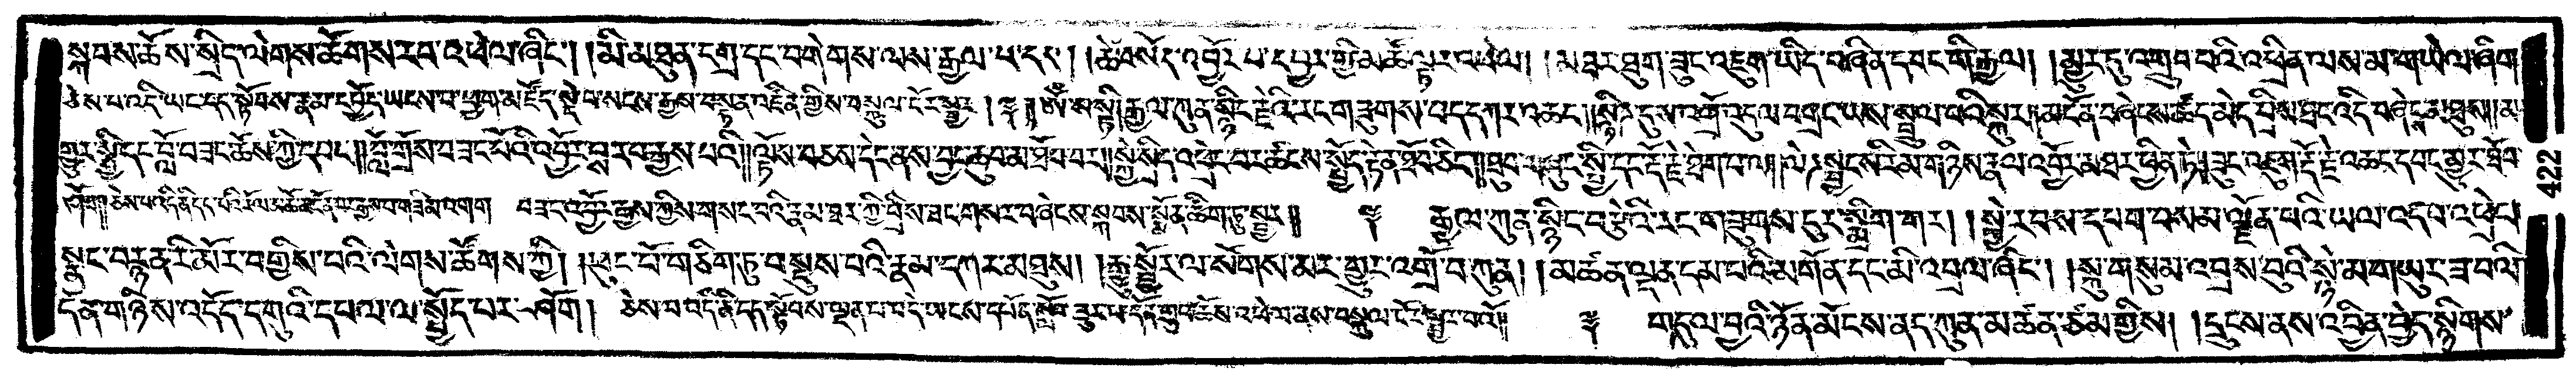སྐབས་ཆོས་སྲིད་ལེགས་ཚོགས་རབ་འཕེལ་ཞིང་། །མི་མཐུན་དགྲ་དང་བགེགས་ལས་རྒྱལ་པ་དང་། །ཚེ་བསོད་འབྱོར་པ་དབྱར་གྱི་མཚོ་ལྟར་འཕེལ། །མཐར་ཐུག་ཟུང་འཇུག་ཡིད་བཞིན་དབང་གི་རྒྱལ། །མྱུར་དུ་འགྲུབ་པའི་འཕྲིན་ལས་མ་གཡེལ་ཞིག་
ཅེས་པ་འདི་ཡང་དད་སྟོབས་རྣམ་དཔྱོད་ཡངས་བ་ཕྱག་མཛོད་སྡེ་བ་སངས་རྒྱས་བསྟན་འཛིན་གྱིས་བསྐུལ་ངོར་སྦྱར། ༈ །།ཨོཾ་ས་སྟི། རྒྱལ་ཀུན་སྙིང་རྗེའི་རང་གཟུགས་བད་དཀར་འཆང་། །སྙིང་དུས་འགྲོ་འདུལ་བགྲང་ཡས་སྦྲུལ་པའི་སྐུར། །མངོན་བཞེངས་ཚད་མེད་བྲིས་ཐང་འདི་བཞེངས་མཐུས། མ་
གྱུར་སྤྱི་དང་བློ་བཟང་ཆོས་ཀྱི་དབང་། །བློ་གྲོས་བཟང་པོའི་འབྱོར་བས་རབ་རྒྱས་པའི། །ལྟོས་བཅས་དེང་ནས་བྱང་ཆུབ་མ་ཐོབ་བར། །སྐྱེ་སྲིད་འཕྲེང་བར་ཚངས་སྤྱོད་རྟེན་ཐོབ་ཅིང་། །ཐུབ་གཞུང་སྤྱི་དང་རྡོ་རྗེ་ཐེག་པ་ལ། །ལེགས་སྦྱངས་རིམ་གཉིས་རྣལ་འབྱོར་མཐར་ཕྱིན་ཏེ། ཟུང་འཇུག་རྡོ་རྗེ་འཆང་དབང་མྱུར་ཐོབ་
ཤོག །ཅེས་པ་འདི་ནི་དང་པའི་རོལ་མཚོ་མངོན་པར་རྒྱས་པ་གཟིམ་འགག །བཟང་འབྱོར་རྒྱས་ཀྱིས་གསང་བའི་རྣམ་ཐར་ཀྱི་བྲིས་ཐང་གསར་བཞེངས་སྐབས་སྨོན་ཚིག་ཏུ་སྦྱར།། ༈ རྒྱལ་ཀུན་སྙིང་བརྩེའི་རང་གཟུགས་ངུར་སྨྲིག་གར། །སྐྱེ་རབས་དཔག་བསམ་ལྗོན་པའི་ཡལ་འདབ་འཕྲེང་།
སྣང་བརྙན་རི་མོར་བགྱིས་པའི་ལེགས་ཚོགས་ཀྱི། །ཕུང་པོ་གཅིག་ཏུ་བསྡུས་པའི་རྣམ་དཀར་མཐུས། །རྒྱུ་སྦྱོར་ལ་སོགས་མར་གྱུར་འགྲོ་བ་ཀུན། །མཚན་ལྡན་དམ་པའི་མགོན་དང་མི་འབྲལ་ཞིང་། །སྐུ་གསུམ་འབྲས་བུའི་སྙེ་མ་གཡུར་ཟ་བའི་
དོན་གཉིས་འདོད་དགུའི་དཔལ་ལ་སྤྱོད་པར་ཤོག །ཅེས་པ་འདི་ནི་དད་སྟོབས་ལྡན་པ་བདེ་ཡངས་དཔོན་སློབ་ཟུར་པ་དོན་གྲུབ་ཆོས་འཕེལ་ནས་བསྐུལ་ངོར་སྦྱར་བའོ།། ༈ གདུལ་བྱའི་ཉོན་མོངས་ནད་ཀུན་མཚན་ཙམ་གྱིས། །དྲུངས་ནས་འབྱིན་བྱེད་སྙིགས་